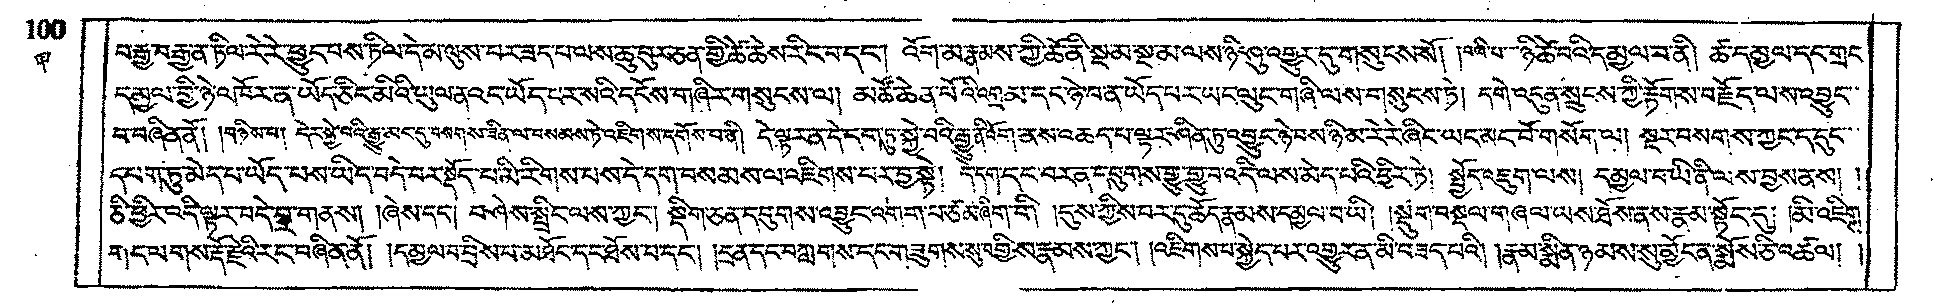བརྒྱ་བརྒྱ་ན་ཏིལ་རེ་རེ་ཕྱུང་བས་ཏིལ་དེ་མ་ལུས་པར་ཟད་པ་ལས་ཆུ་བུར་ཅན་གྱི་ཚེ་ཆེས་རིང་བ་དང་། འོག་མ་རྣམས་ཀྱི་ཚེ་ནི་སྔ་མ་སྔ་མ་ལས་ཉི་ཤུ་འགྱུར་དུ་གསུངས་སོ། །བཞི་པཉི་ཚེ་བའི་དམྱལ་བ་ནི། ཚ་དམྱལ་དང་གྲང་
དམྱལ་གྱི་ཉེ་འཁོར་ན་ཡོད་ཅིང་མིའི་ཡུལ་ནའང་ཡོད་པར་སའི་དངོས་གཞིར་གསུངས་ལ། མཚོ་ཆེན་པོའི་འགྲམ་དང་ཉེ་བ་ན་ཡོད་པར་ཡང་ལུང་གཞི་ལས་གསུངས་ཏེ། དགེ་འདུན་སྲུངས་ཀྱི་རྟོགས་བརྗོད་ལས་འབྱུང་
བ་བཞིན་ནོ། །གཉིས་པ། དེར་སྐྱེ་བའི་རྒྱུ་མང་དུ་བསགས་ཟིན་ལ་བསམས་ཏེ་འཇིགས་དགོས་པ་ནི།  དེ་ལྟར་ན་དེ་དག་ཏུ་སྐྱེ་བའི་རྒྱུ་ནི་འོག་ནས་འཆད་པ་ལྟར་ཤིན་ཏུ་འབྱུང་ཉེ་བས་ཉི་མ་རེ་རེ་ཞིང་ཡང་མང་བོ་གསོག་ལ། སྔར་བསགས་ཀྱང་ད་དུང་
དཔག་ཏུ་མེད་པ་ཡོད་པས་ཡིད་བདེ་བར་སྡོད་པ་མི་རིགས་པས་དེ་དག་བསམས་ལ་འཇིགས་པར་བྱ་སྟེ། དེ་དག་དང་བར་ན་དབུགས་གྱུ་གྱུ་བ་འདི་ལས་མེད་པའི་ཕྱིར་ཏེ། སྤྱོད་འཇུག་ལས། དམྱལ་བ་ཡི་ནི་ལས་བྱས་ནས། །
ཅི་ཕྱིར་འདི་ལྟར་བདེ་བར་གནས། །ཞེས་དང་། བཤེས་སྤྲིང་ལས་ཀྱང་། སྡིག་ཅན་དབུགས་འབྱུང་འགག་པ་ཙམ་ཞིག་གི །དུས་ཀྱིས་བར་དུ་ཆོད་རྣམས་དམྱལ་བ་ཡི། །སྡུག་བསྔལ་གཞལ་ཡས་ཐོས་ནས་རྣམ་སྟོང་དུ། །མི་འཇིགས་
གང་ལགས་རྡོ་རྗེའི་རང་བཞིན་ནོ། །དམྱལ་བ་བྲིས་པ་མཐོང་དང་ཐོས་པ་དང་། །དྲན་དང་བཀླགས་དང་གཟུགས་སུ་བགྱིས་རྣམས་ཀྱང་། །འཇིགས་པ་སྐྱེད་པར་འགྱུར་ན་མི་བཟད་པའི། །རྣམ་སྨིན་ཉམས་སུ་མྱོང་ན་སྨོས་ཅི་འཚལ། །